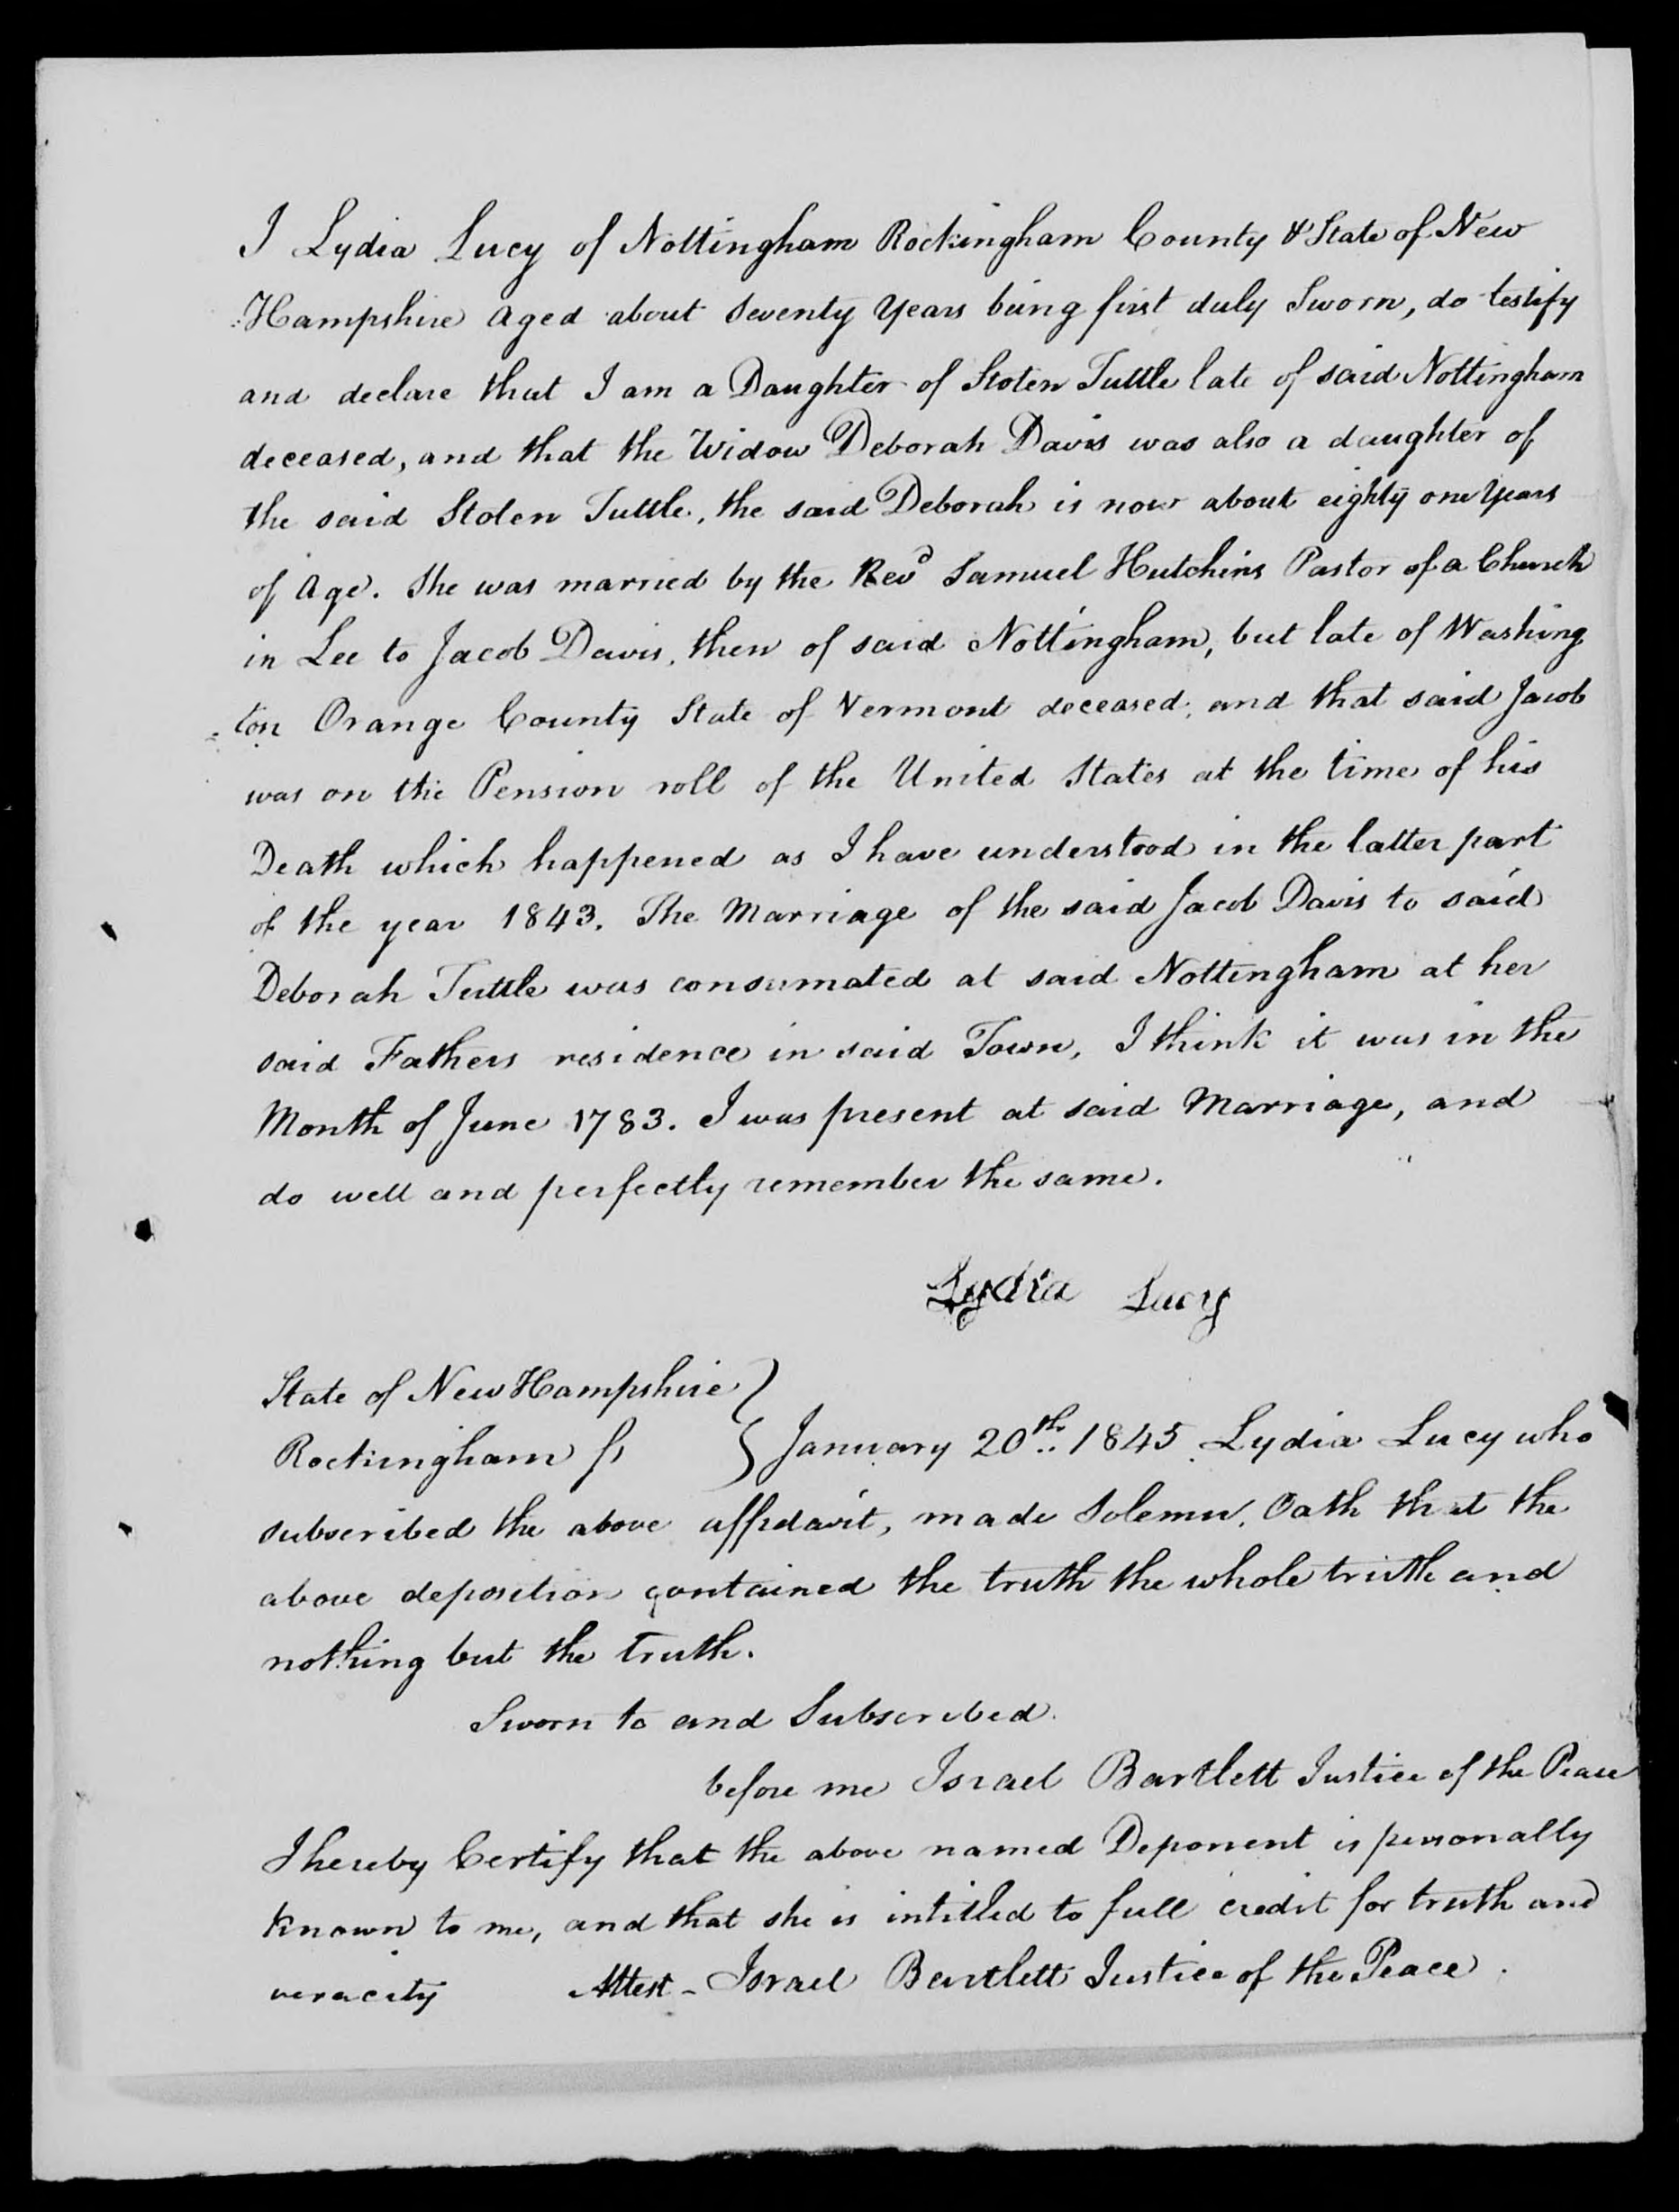I Lydia Lucy of Nottingham Rockingham County and State of New
Hampshire aged about seventy years being first duly Sworn, do testify and declare that I am a Daughter of Stoten Tuttle late of said Nottingham deceased, and that the widow Deborah Davis was also a daughter of the said Stoten Tuttle, the said Deborah is now about eighty one years of age. She was married by the Revd Samuel Hutchins Pastor of a Church in Lee to Jacob Davis, then of said Nottingham, but late of Washington Orange County State of Vermont deceased, and that said Jacob was on the Pension roll of the United States at the time of his Death which happened as I have understood in the latter part of the year 1843. The Marriage of the said Jacob Davis to said Deborah Tuttle was consumated at said Nottingham at her said Fathers residence in said Town, I think it was in the Month of June 1783. I was present at said Marriage, and do well and perfectly remember the same
Lydia Lucy
State of New Hampshire
Rockingham SS
January 20th 1845 Lydia Lucy who subscribed the above affidavit, made Solemn Oath that the above deposition contained the truth the whole truth and nothing but the truth.
Sworn to and Subscribed
before me Israel Bartlett Justice of the Peace
I hereby certify that the above named Deponent is personally
known to me, and that she is intitled to full credit for truth and
veracity
Attest Israel Bartlett Justice of the Peace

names: Lydia Lucy, Jacob Davis, Lydia Lucy, Deborah, Israel Bartlett, Samuel Hutchins, Lydia Lucy, Israel Bartlett, Jacob Davis, Stolen Tuttle, Deborah Davis, Jacob, Deborah Tuttle, Stolen Tuttle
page: 8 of 47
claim: widow's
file: W. 24043, Jacob Davis, N.H.